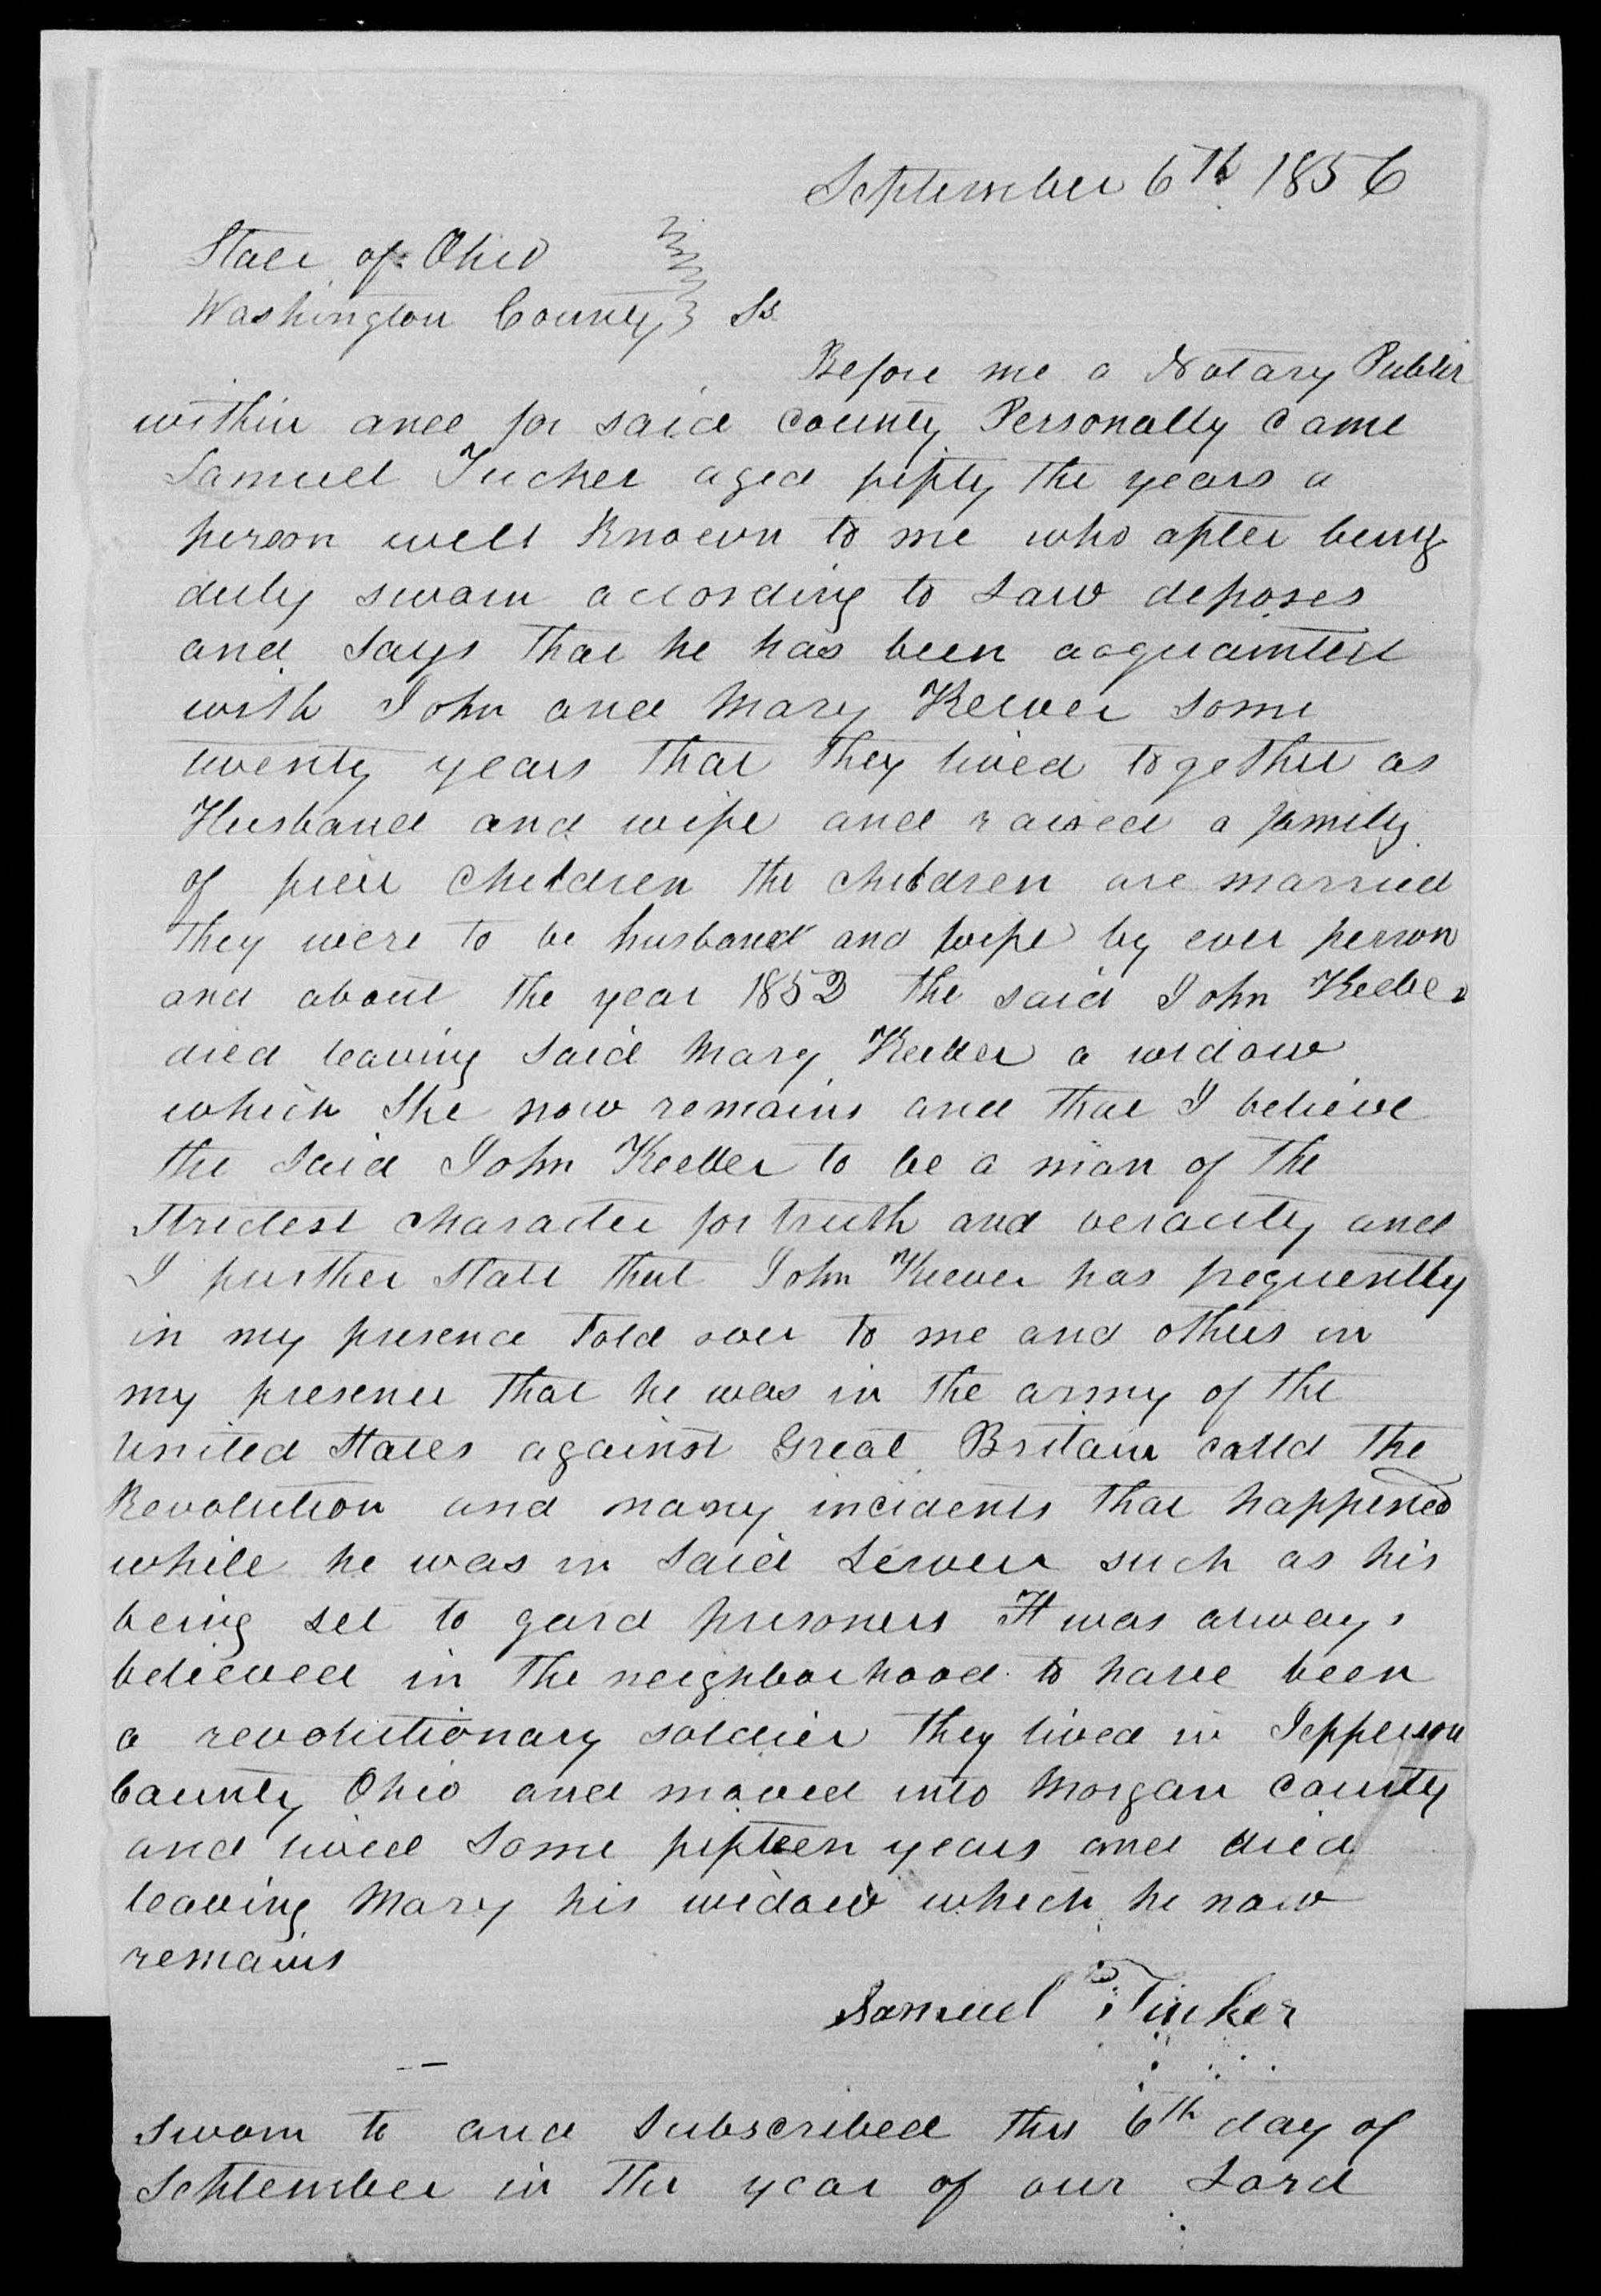September 6th 1856 
State of Ohio 
Washington County ⎬ SS 
Before me a Notary Public 
within and for said County personally came 
Samuel Tucker aged fifty the years a 
person well known to me who after being 
duly sworn according to Law deposes 
and says that he has been acquainted with 
John and Mary Keever some 
twenty years that they lived together as 
Husband and wife and raised a family 
of five children the children are married 
they were [believed] to be husband and wife by ever[y] person 
and about the year 1852 the said John Keever died leaving said Mary Keever a widow 
which she now remains and that I believe 
the said John Keever to be a man of the strictest character for truth and veracity and 
I further state that John Keever has frequently in my presence told over to me and others in 
my presence that he was in the army of the 
United States against Great Britain called the Revolution and many incidents that happened while he was in said Service such as his 
being set to gard prisoners H was always believed in the neighborhood to have been 
a revolutionary soldier they lived in Jefferson 
County Ohio and moved into Morgan County 
and lived some fifteen years and died 
leaving Mary his widow which he[she] now 
remains 
Samuel Tucker
Sworn to and subscribed this 6th day of September in the year of our Lord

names: Mary Keever; Samuel Tucker; John Keever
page: 14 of 33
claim: rejected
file: R. 5814, for John Keever, Maryland